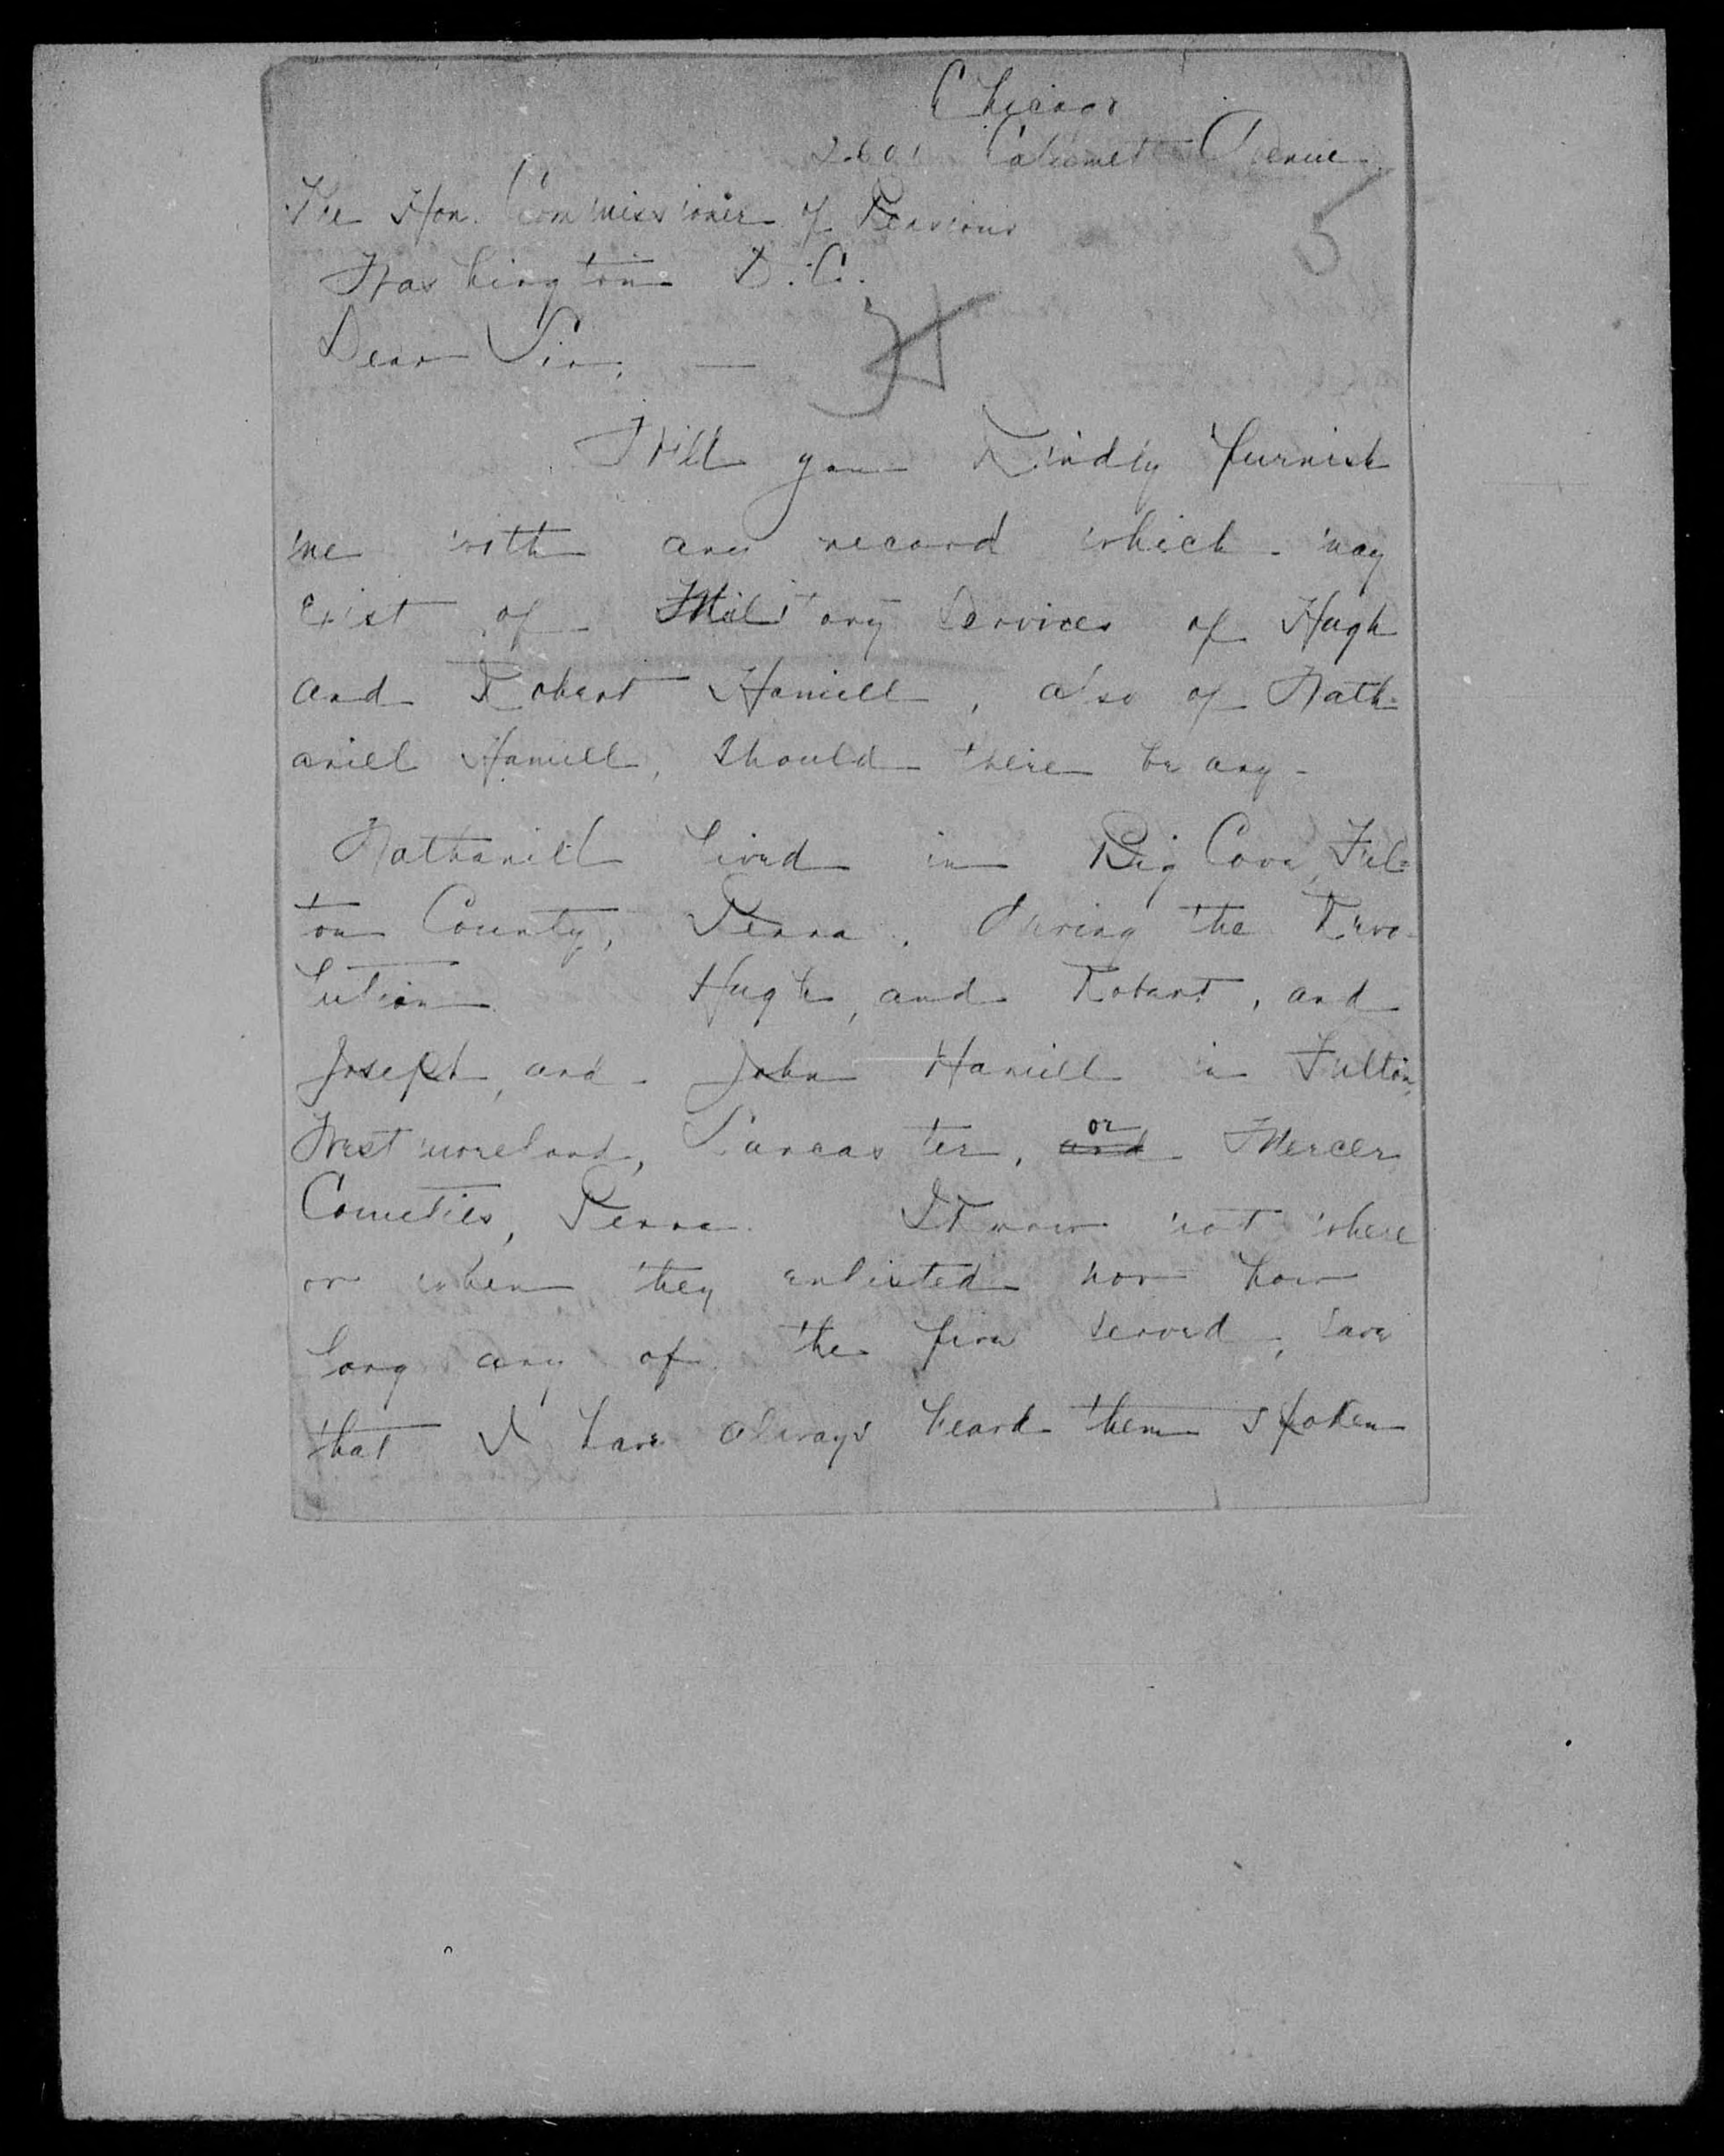Chicago
2601 Calamet Avenue

The Hon. Commissioner of Pensions
Washington D.C.
Dear Sir,

Will you kindly furnish me with any record which may exist of Military Services of Hugh
and Robert Hamill, also of Nathanial Hamill, should there be any.

Nathaniel lived in Big Cove, Fulton County, Penna., during the Revolution.  Hugh and Robert, and Joseph, and John Hamill in Fulton
Westmoreland, Lancaster, and ["and" is crossed out] or Mercer Counties, Penna.   I know not where or when they enlisted nor how long any of the five served save that I
have always heard them spoken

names: Hugh Hamill, Hugh Hamill, Nathaniel, Nathaniel Hamill, John Hamill, Robert Hamill, Robert Hamill, Joseph Hamill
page: 44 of 92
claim: widow's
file: W 1173, Robert Hamill, Penn.